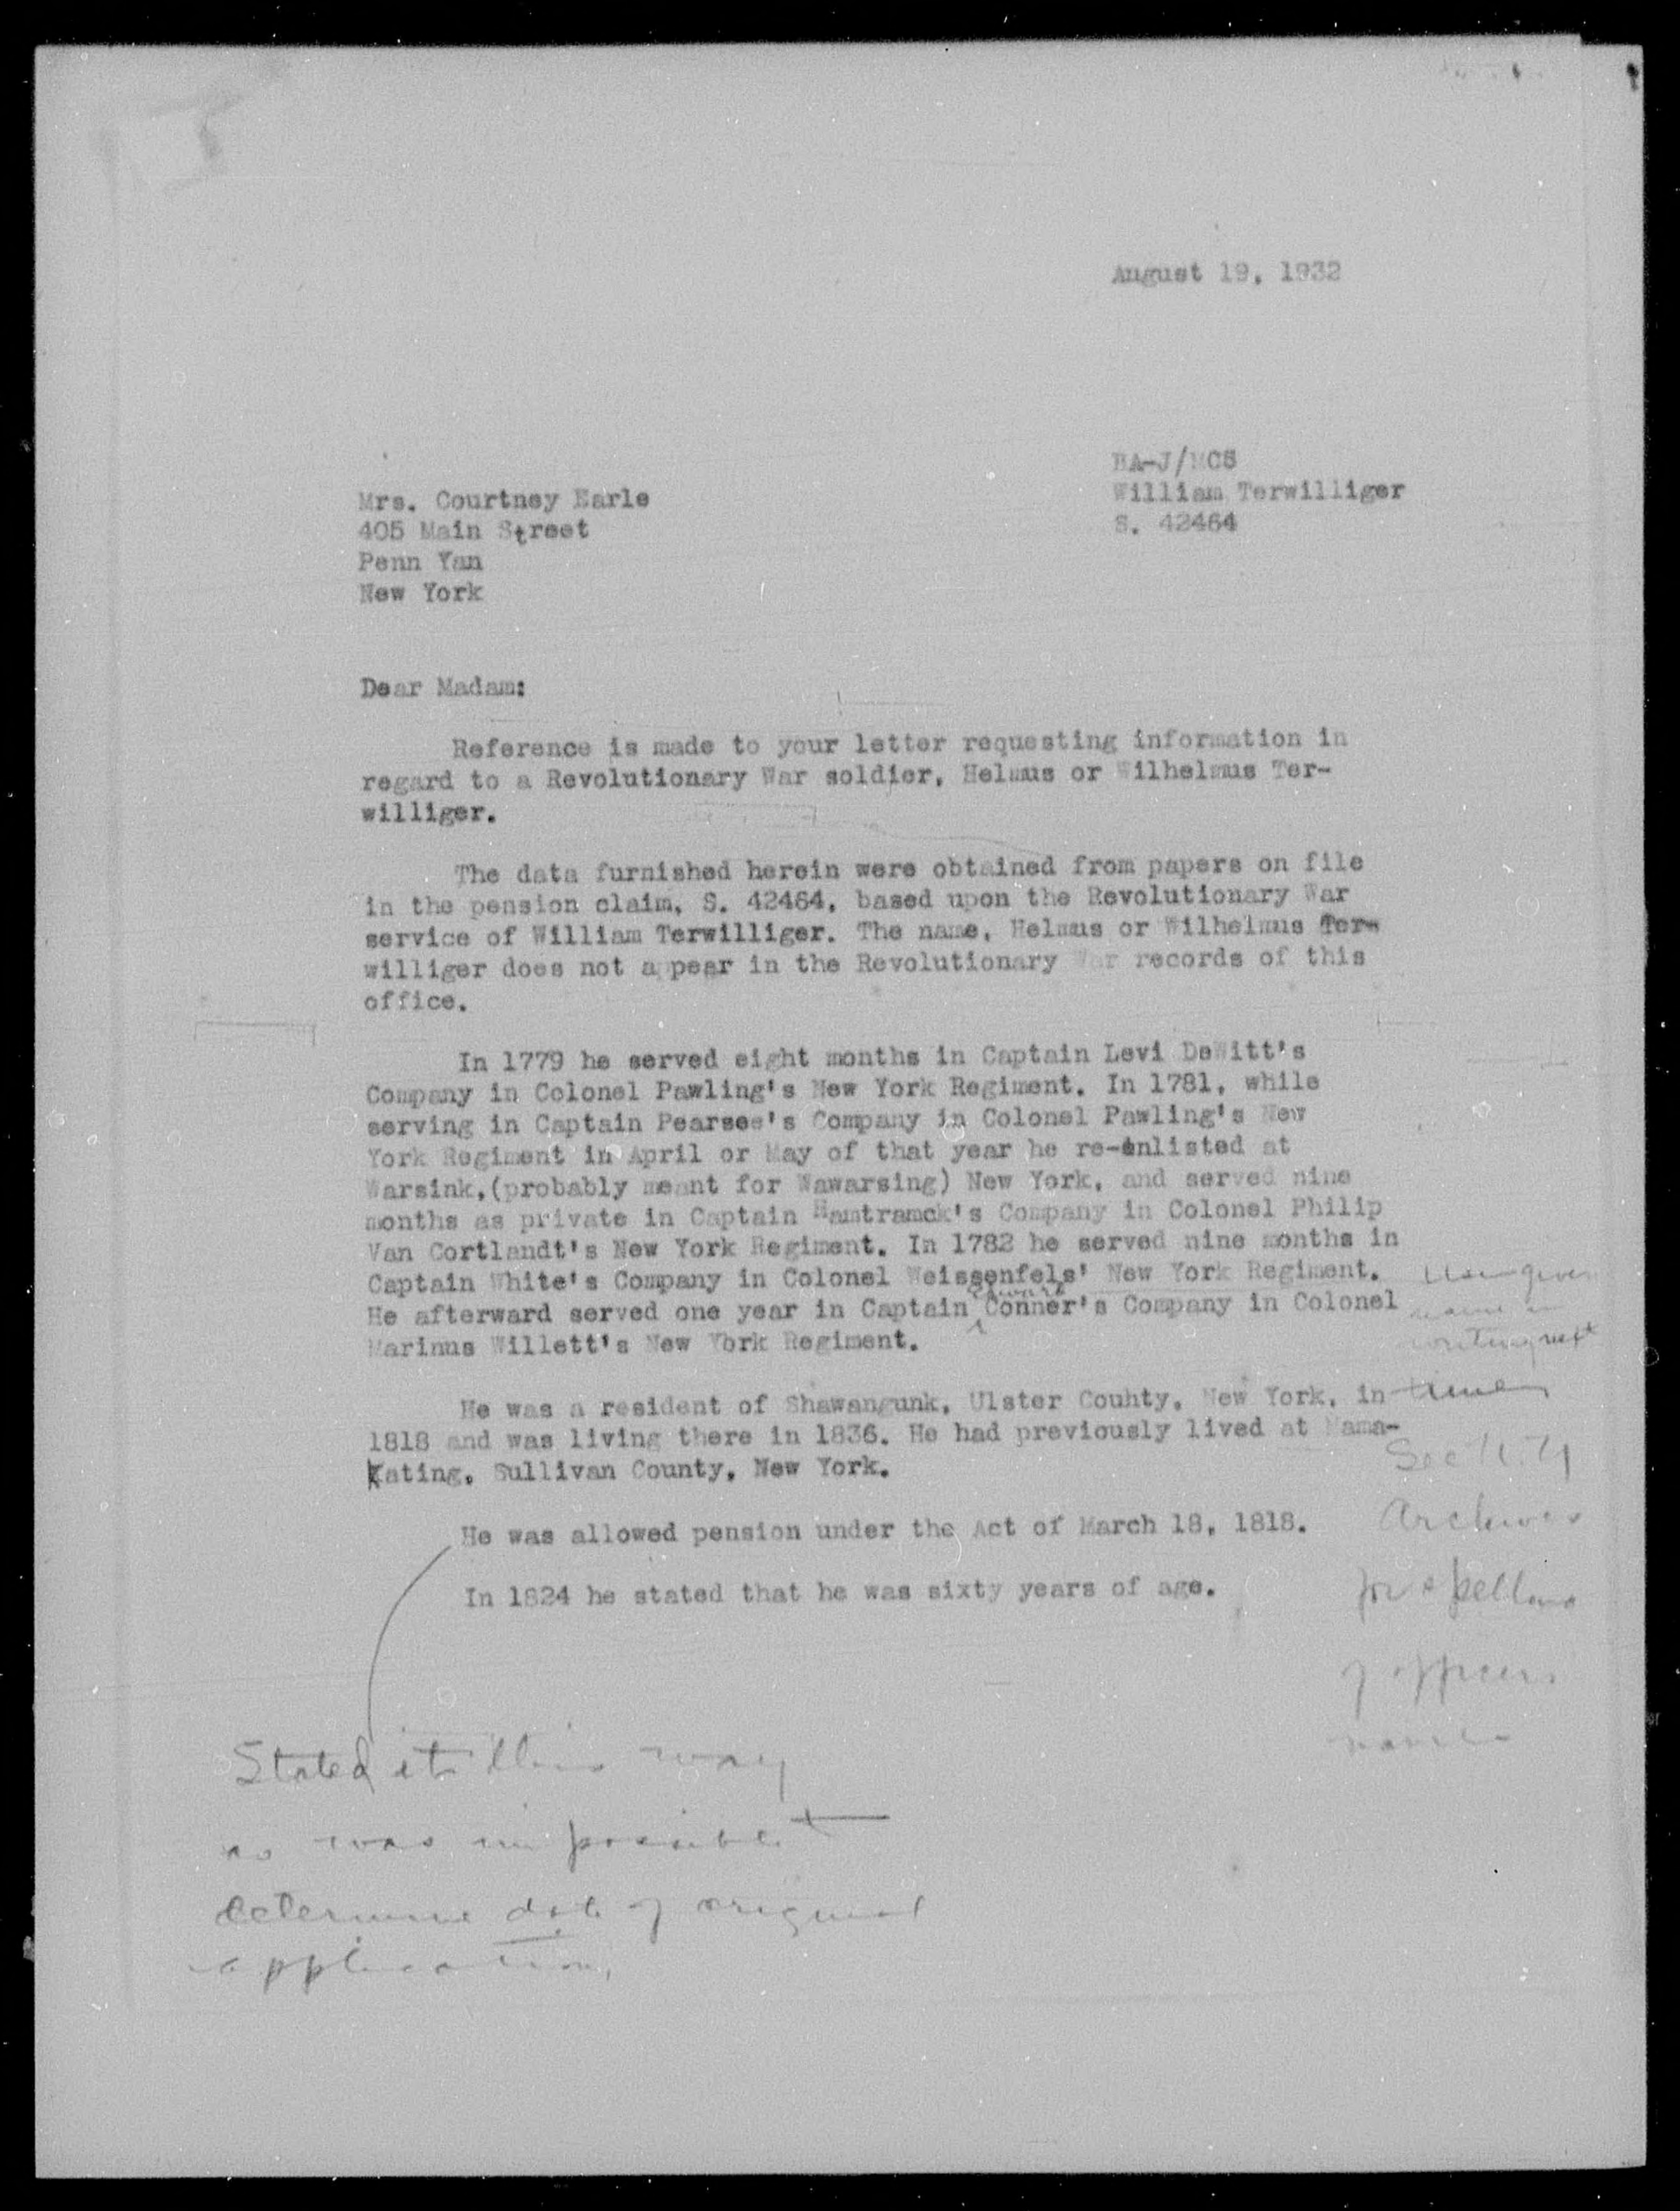August 19, 1932


BA-J/AS
William Terwilliger
S. 42464

Mrs. Courtney Earle
405 Main Street
Penn Yan
New York

Dear Madam:
Reference is made to your letter requesting information in
regard to a Revolutionary War soldier, Helmus or Wilhelm Terwilliger
.
The data furnished herein were obtained from papers on file
in the pension claim, S. 42484, based upon the Revolutionary War
service of William Terwilliger. The name Helmus or Wilhelms Terwilliger does not appear in the Revolutionary War records of this
office.
In 1779 he served eight months in Captain Levi Dewitt's
Company in Colonel Pawling's New York Regiment. In 1781, while
serving in Captain Pearse's company in Colonel Pawling's New York
Regiment in April or May of that year he re-enlisted at
Warsink, (probably meant for Wawarsing) New York, and served nine
months as private in Captain Hamtramck's Company in Colonel Philip
Van Cortlandt's New York Regiment. In 1782 he served nine months in
Captain White's Company in Colonel Weissenfels' New York Regiment, give
He afterward served one year in Captain Edward Conner's Company in Colonel
Warinus Willett's New York Regiment,
[note] use given same in writing next true Sec N.Y. archives for spelling J officers name

He was a resident of Shawangunk, Ulster County, New York, in 
1818 and was living there in 1836. He had previously lived at Mamaketing
, Sullivan County, New York,
 
He was allowed pension under the Act of March 18, 1818, [note] stated it this way as was impossible to determine date of original application.
 
In 1824 he stated that he was sixty years of age.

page: 15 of 64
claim: survivor's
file: S. 42,464, for William Terwilliger, New York